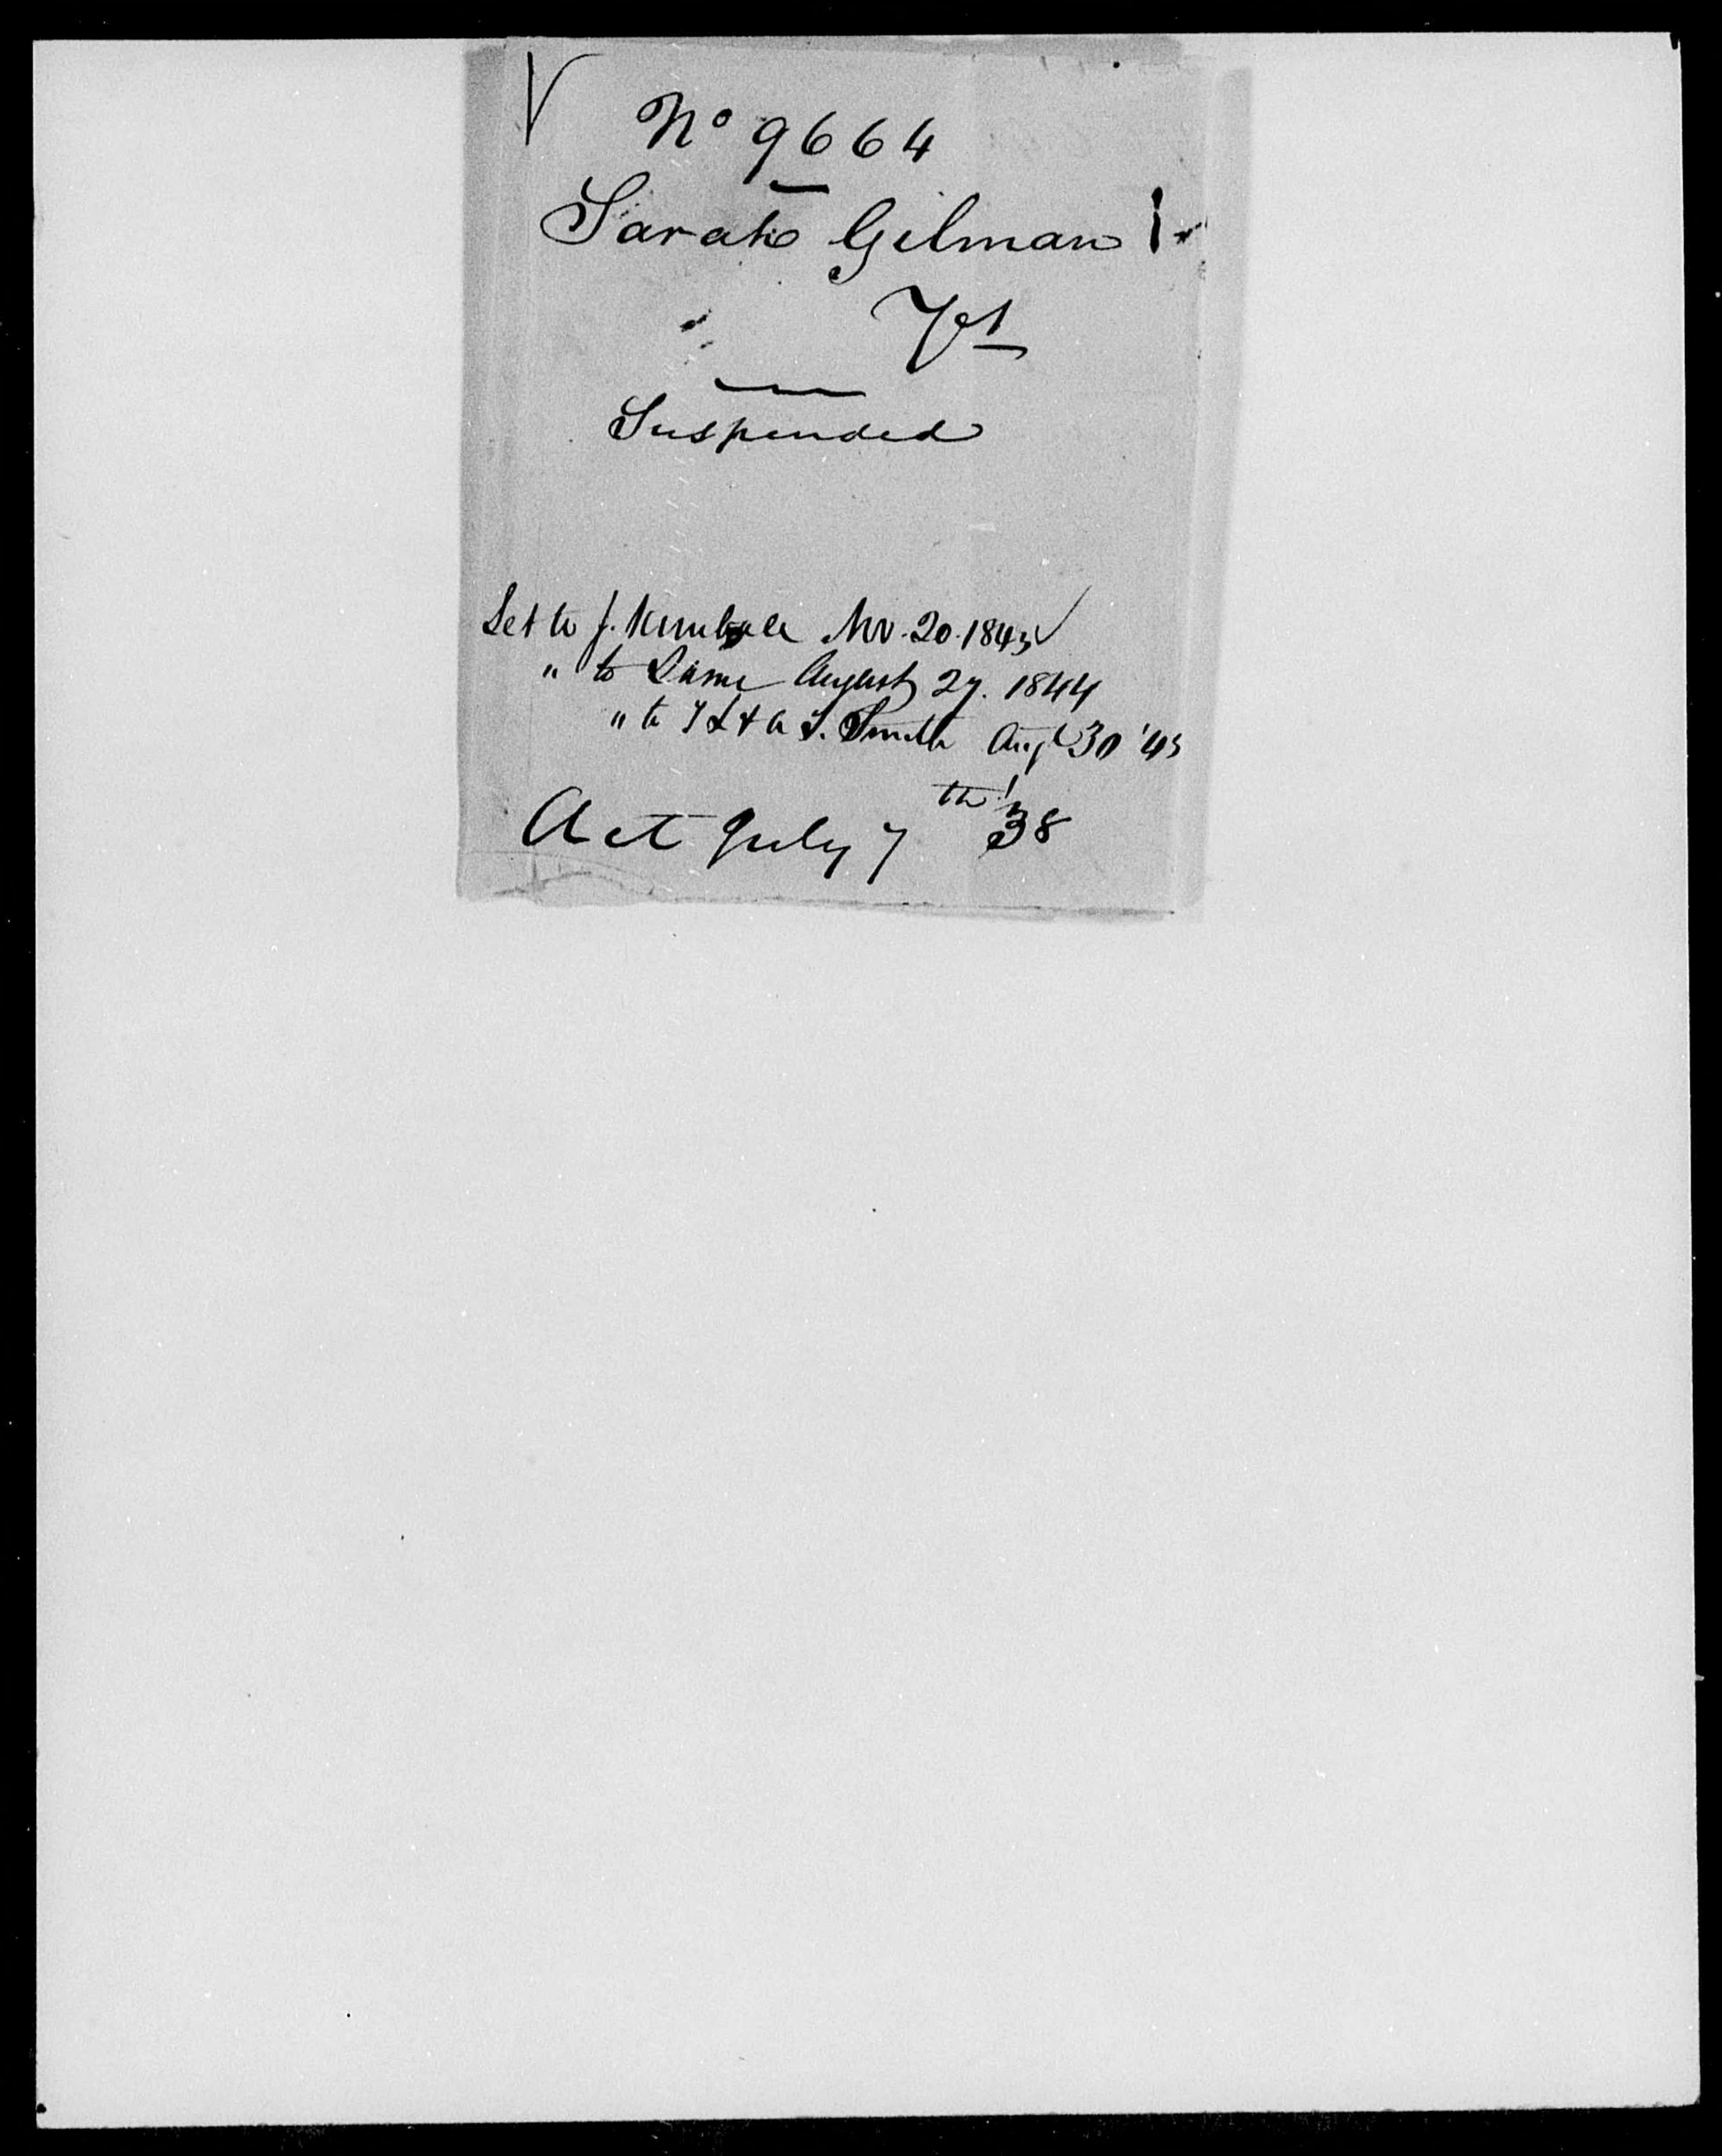No 9664
Sarah Gilman
vi
Suspended

Set to J Kimball Nov 20 1843
" to same August 27 1844
" to T L & A T Smith Aug 30 '45

Act July 7th '38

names: Sarah Gilman, J Kimball, T L Smith, A T Smith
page: 17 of 61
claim: widow's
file: W. 19500, Samuel Thing Gilman, Continental N.H.